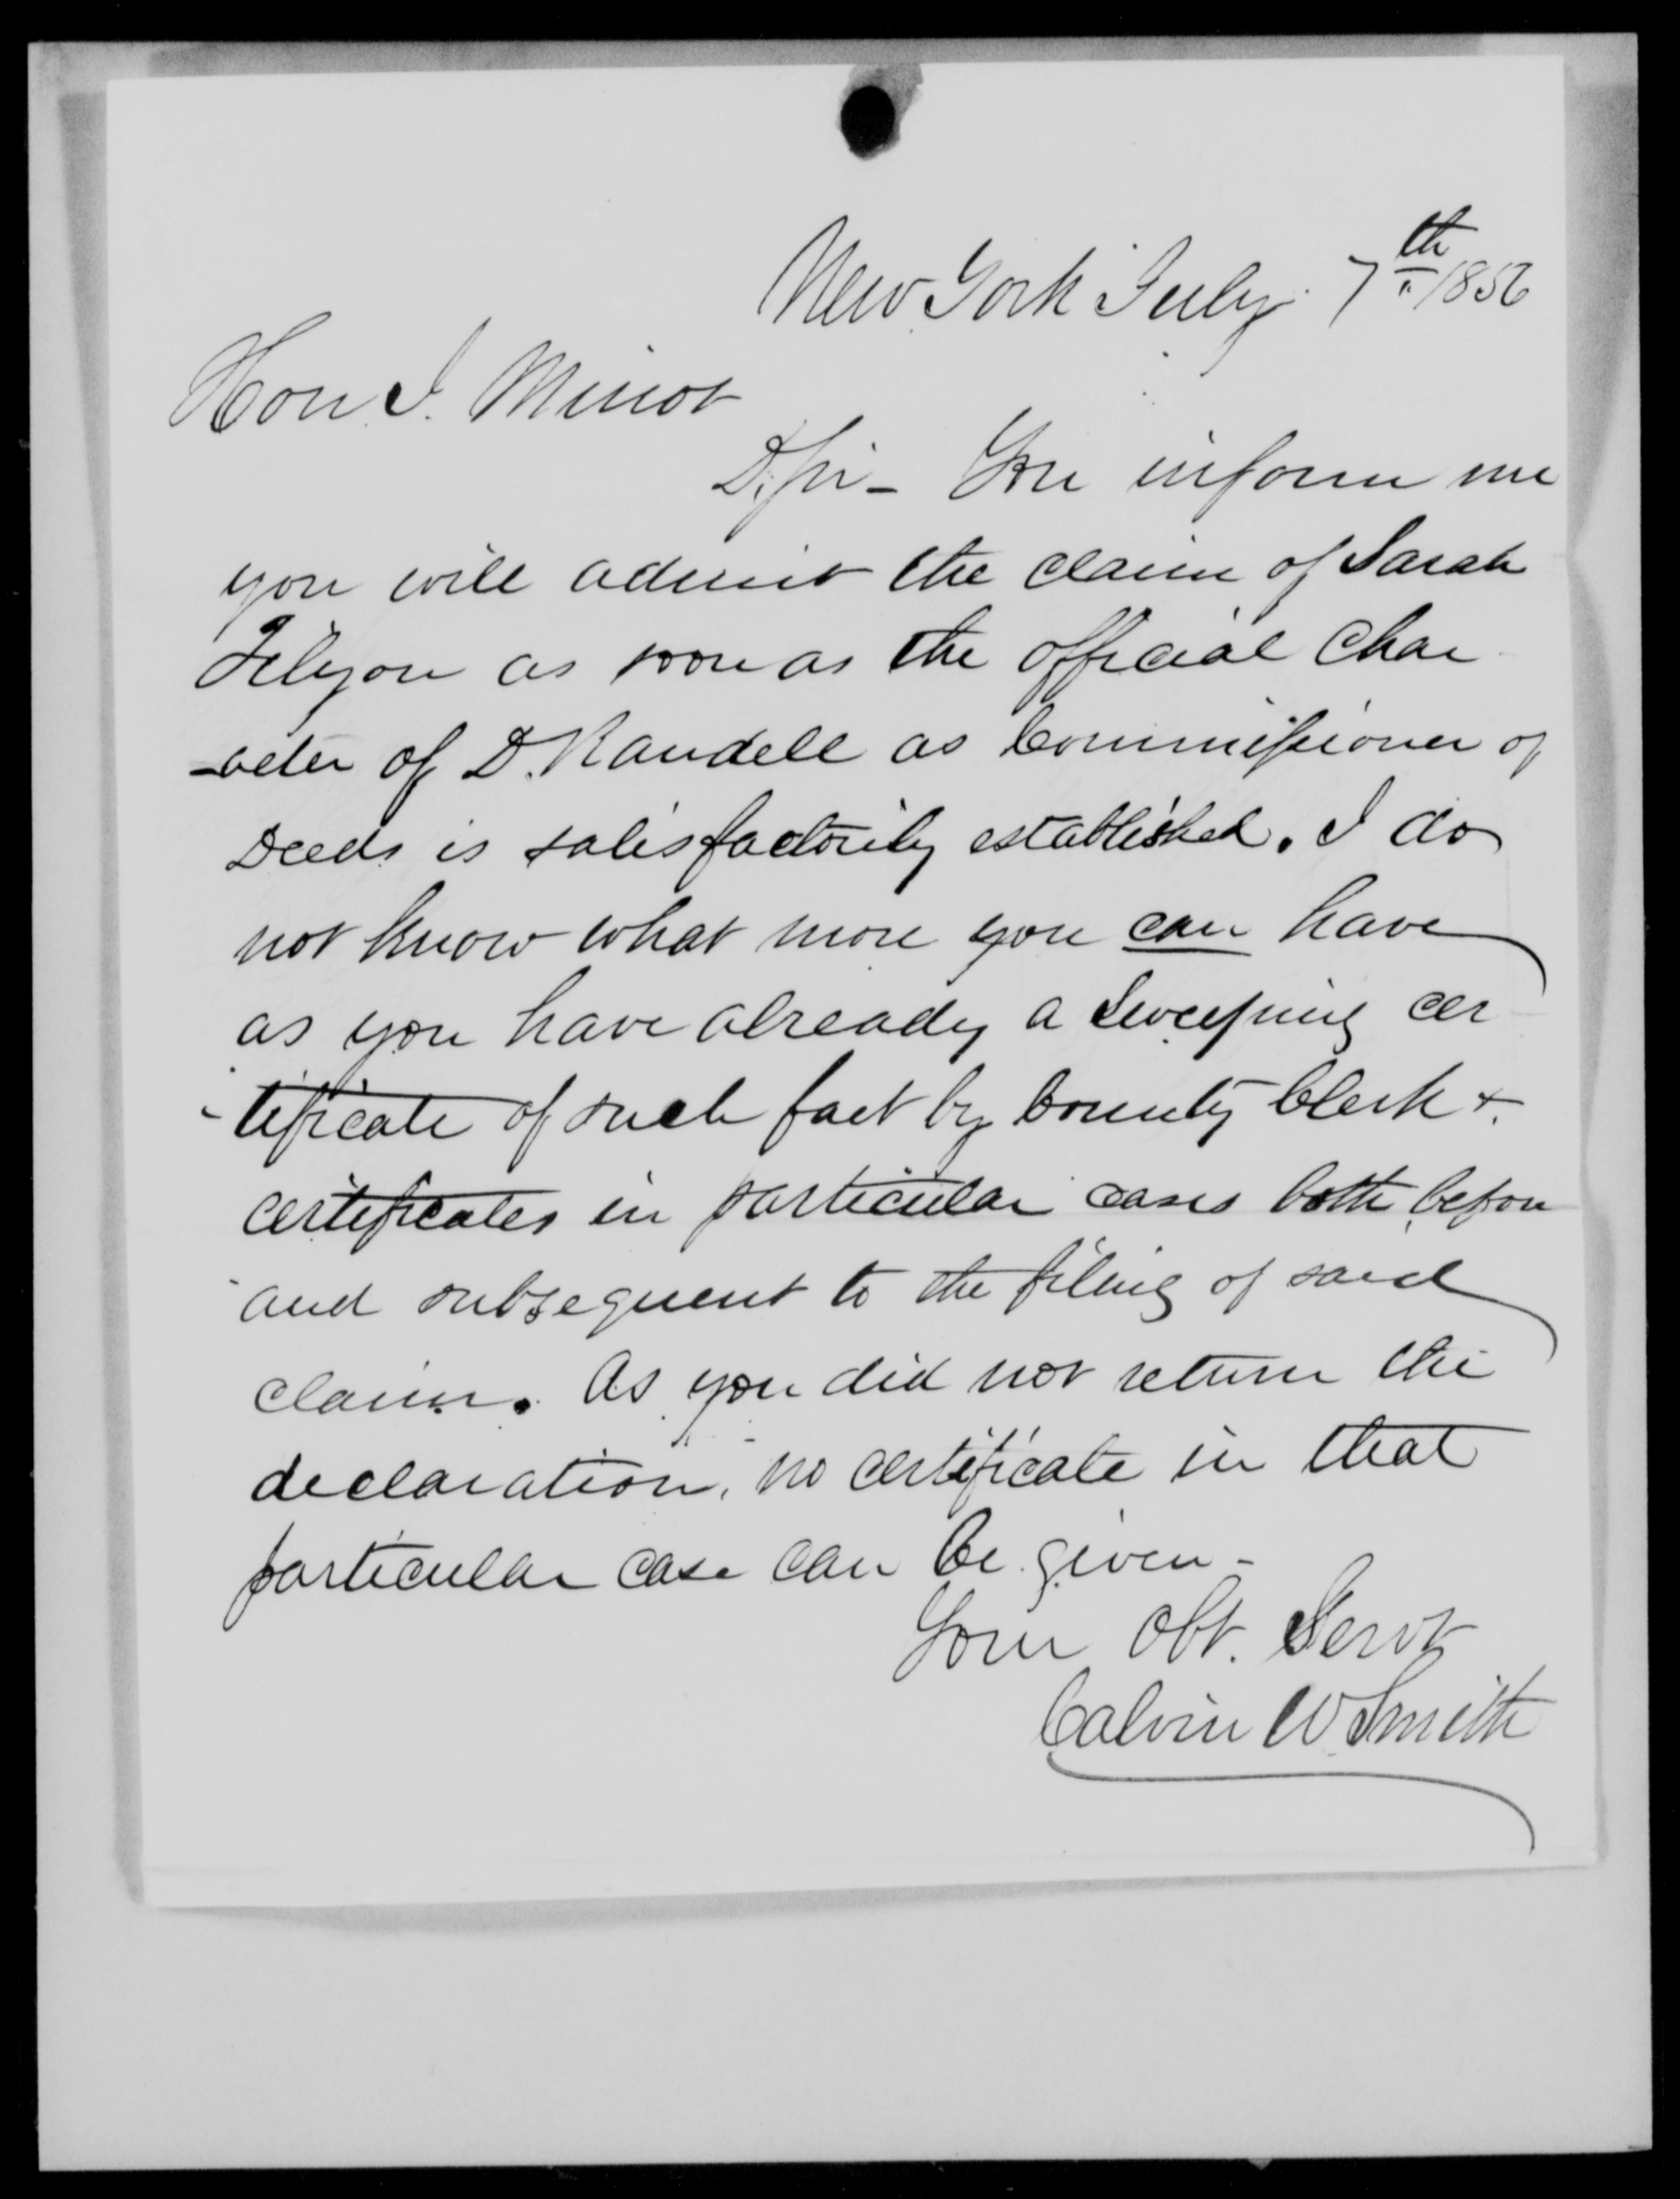New York July 7th 1856

Hon J Minot
D. Sir You inform me you will admit the claim of Sarah Tilyou as soon as the official character of D. Randell as Commissioner of Deeds is satisfactorily established. I do not know what more you can have as you have already a 
[?wa?..ing] certificate of such fact by County Clerk & certificates in particular cases both before and subsequent to the filing of said claim. As you did not return the declaration no certificate in that particular case can be given.

Your Obed Servt
Calvin W. Smith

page: 101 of 101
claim: widow's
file: W. 25481, for Peter V Tilyou, New Jersey